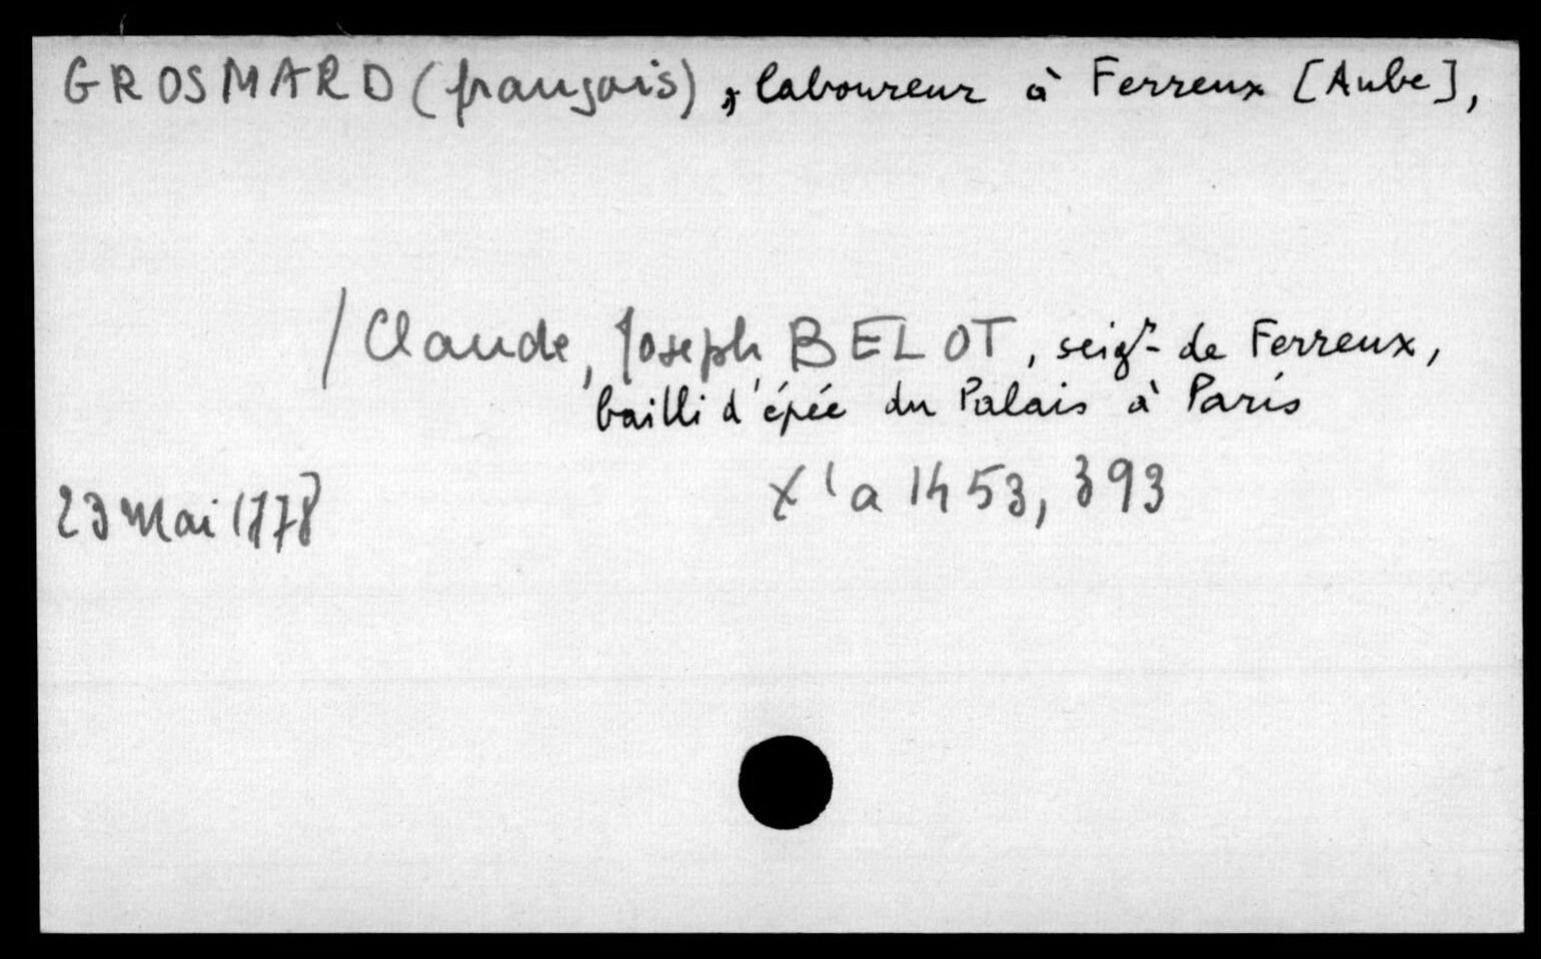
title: GROSMARD (François) - laboureur à Ferreux [Aube]
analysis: Contre Claude, Joseph BELOT, seigneur de Ferreux, bailli d'épée du Palais à Paris
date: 23 mai 1778
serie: X1a
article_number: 1453
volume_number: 393
